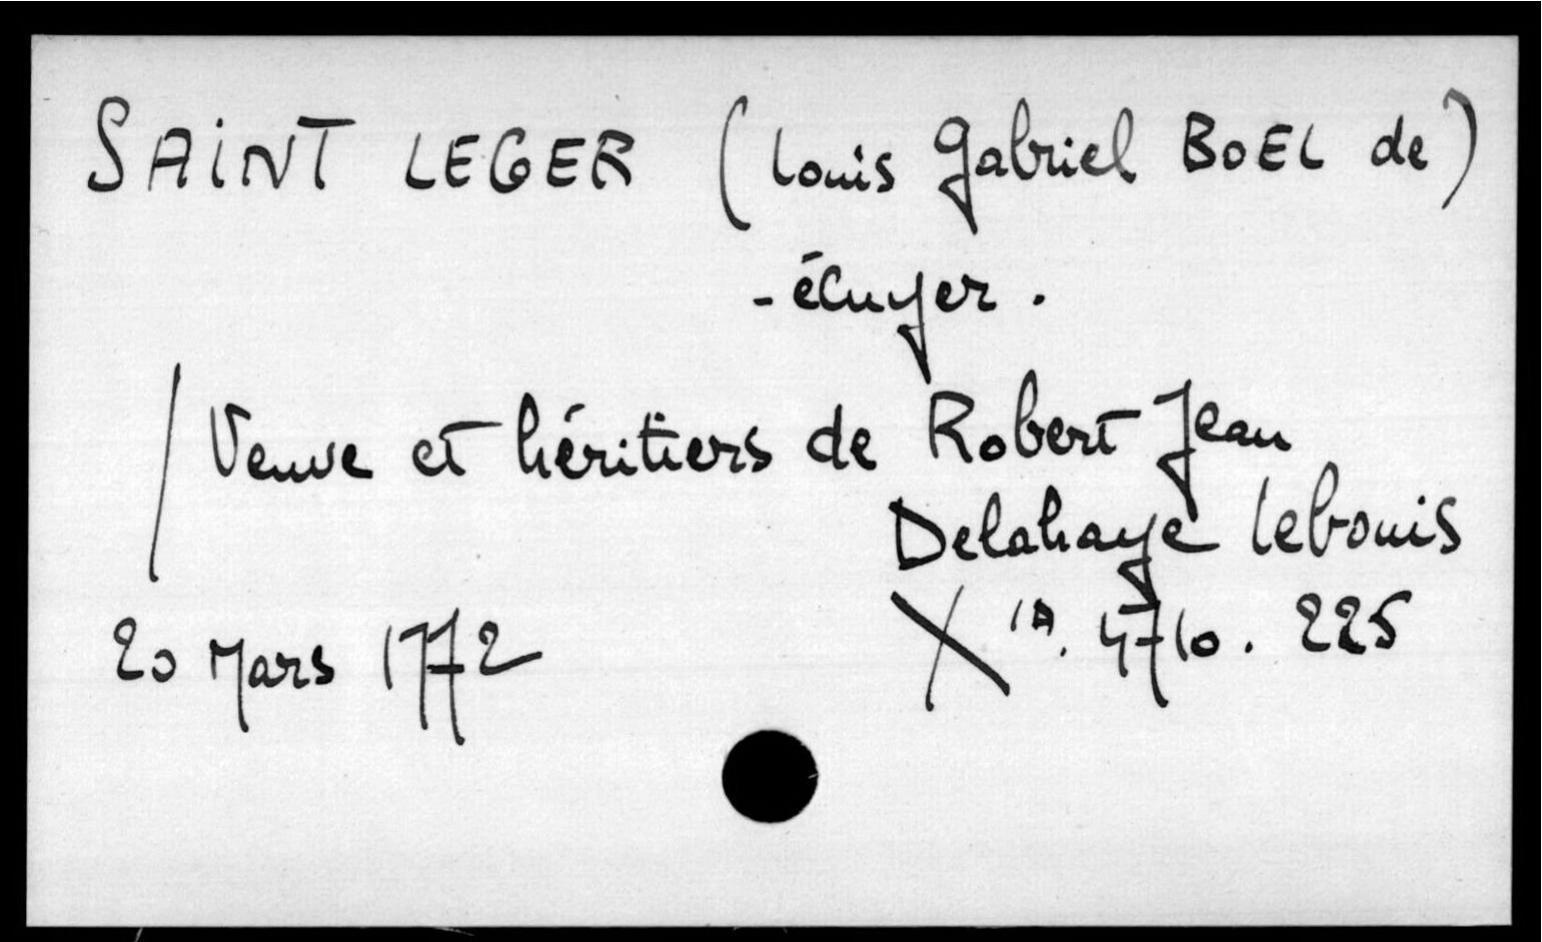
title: SAINT LÉGER (Louis Gabriel BOEL de) - écuyer.
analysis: Contre Veuve et héritiers de Robert Jean Delahaye Lebouis
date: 20 mars 1772
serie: X1A
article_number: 4710
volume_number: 225
